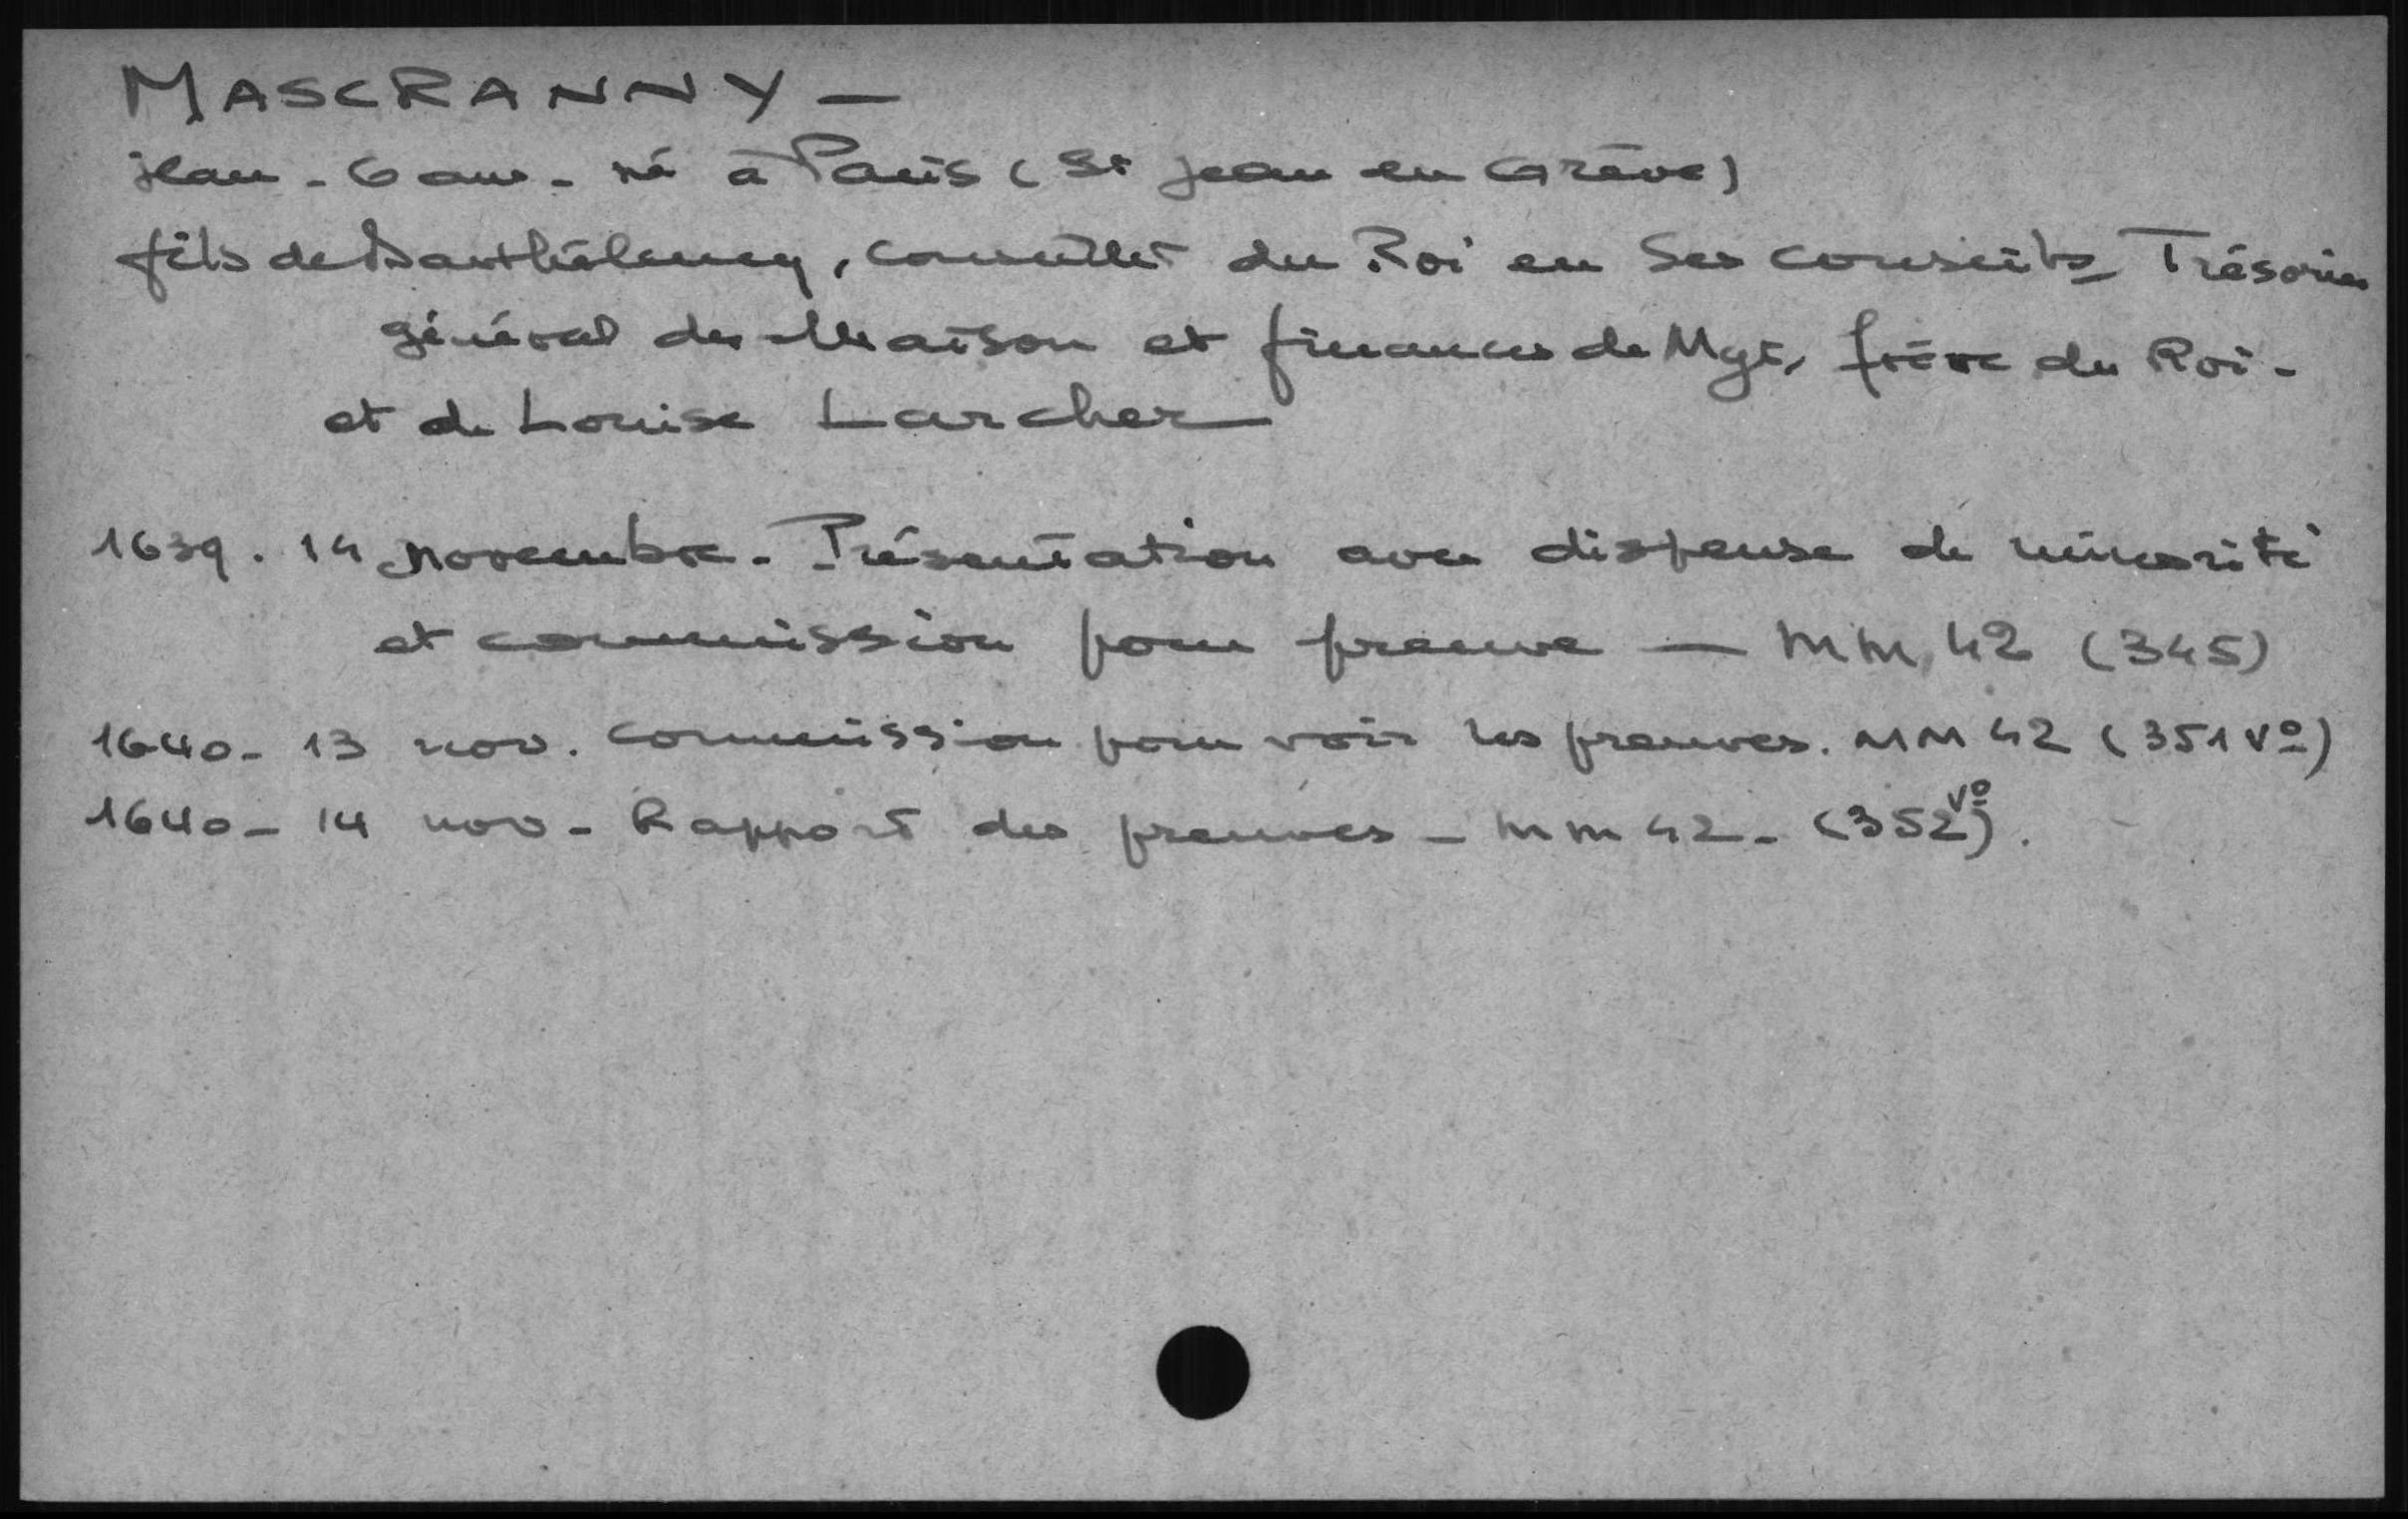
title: MASCRANNY - Jean, 6 ans, né à Paris (Saint Jean en Grève) fils de Barthélemy, conseiller du Roi en ses Conseils, Trésorier général des Maisons et finances de Monseigneur, frère du Roi, et de Louise Larcher
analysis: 1639, 14 novembre. Présentation avec dispense de minorité et commission pour preuves. MM 42 (345) 1640, 13 novembre Commission pour voir les preuves. MM 42 (351V) 1640, 14 novembre Rapport des preuves. MM 42 (352v)
